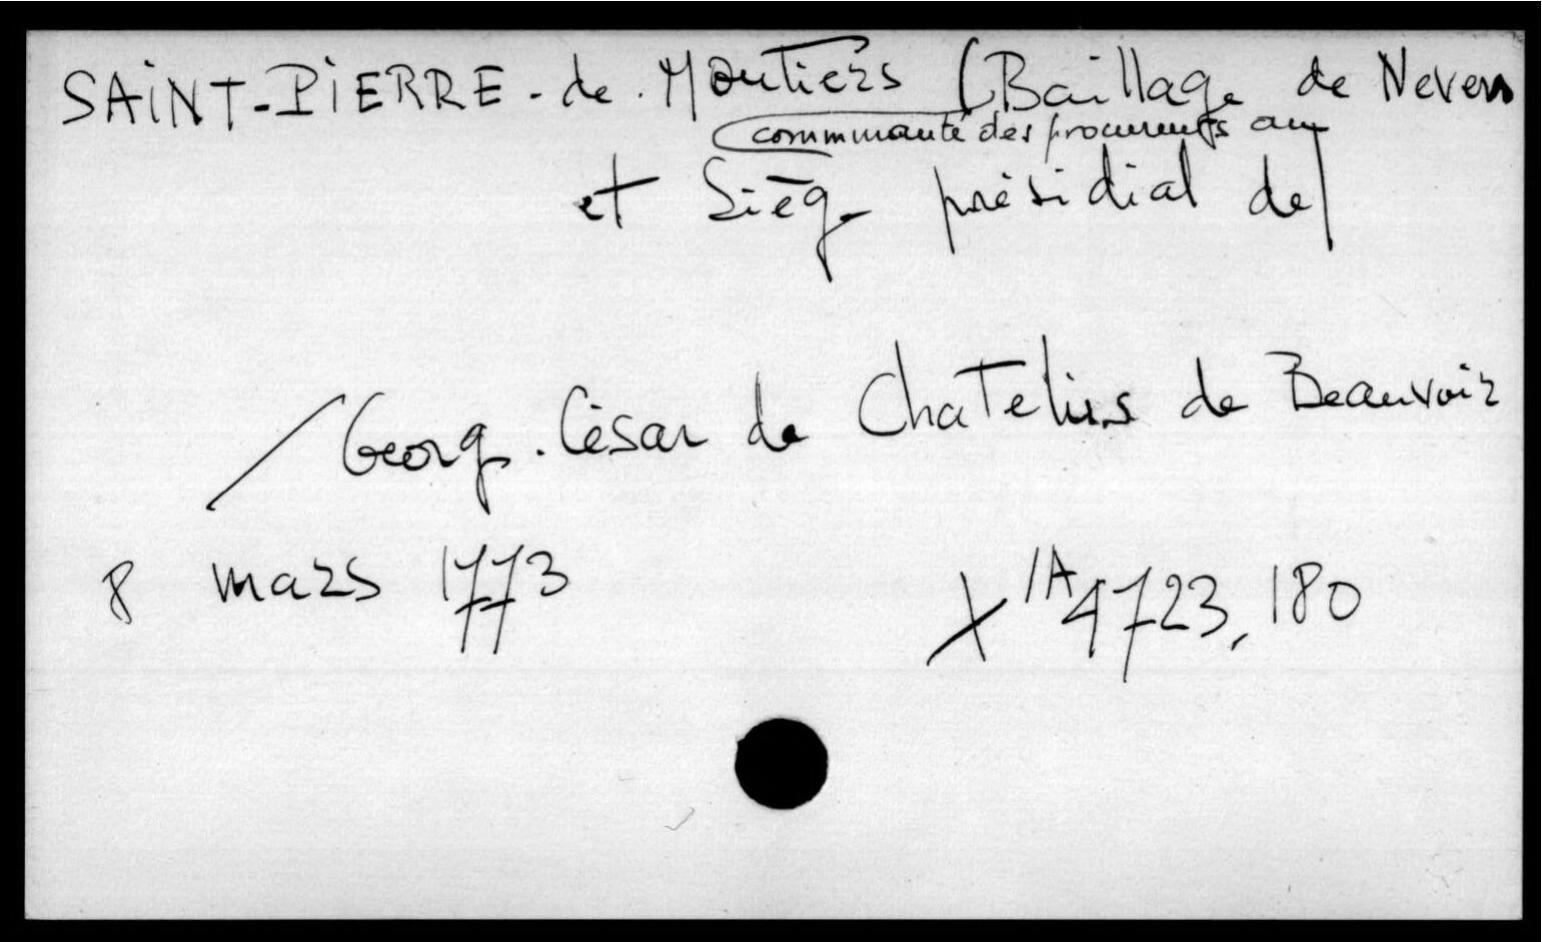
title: SAINT-PIERRE-de Moutiers (communauté des procureurs au baillage de Nevers et siège présidial de)
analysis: Contre Georges-César de Chatelus de Beauvoir
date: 8 mars 1773
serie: X1A
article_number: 4723
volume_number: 180
